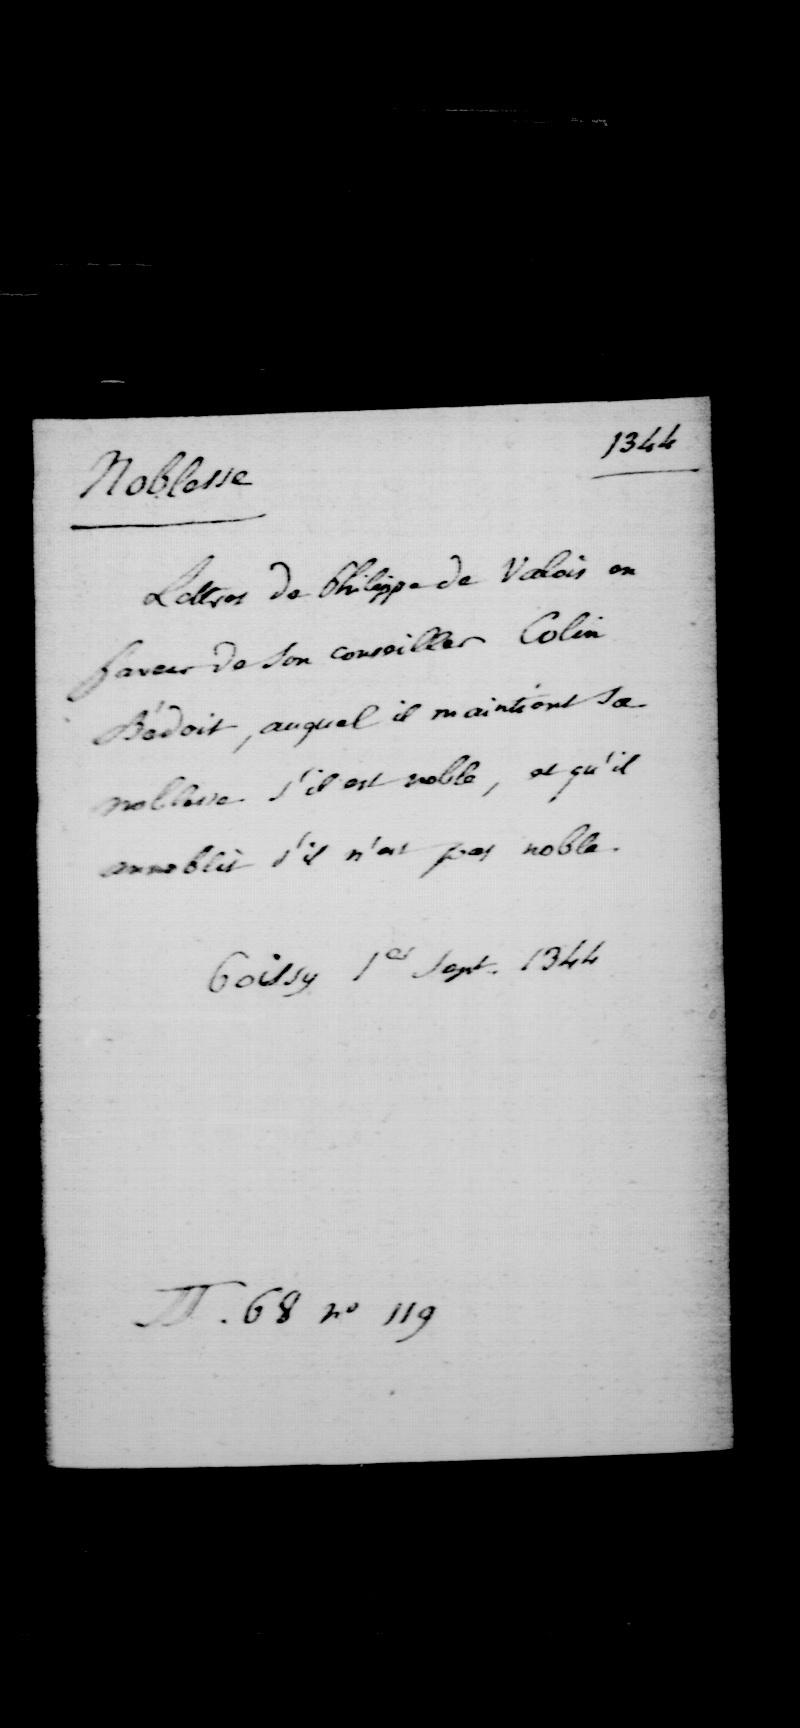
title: Noblesse
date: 1344
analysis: Lettres de Philippe de Valois en faveur de son conseiller Colin Bédoit, auquel il maintient sa noblesse s'il est noble, et qu'il annoblit s'il n'est pas noble. Poissy
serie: JJ
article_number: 68
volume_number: n° 119
